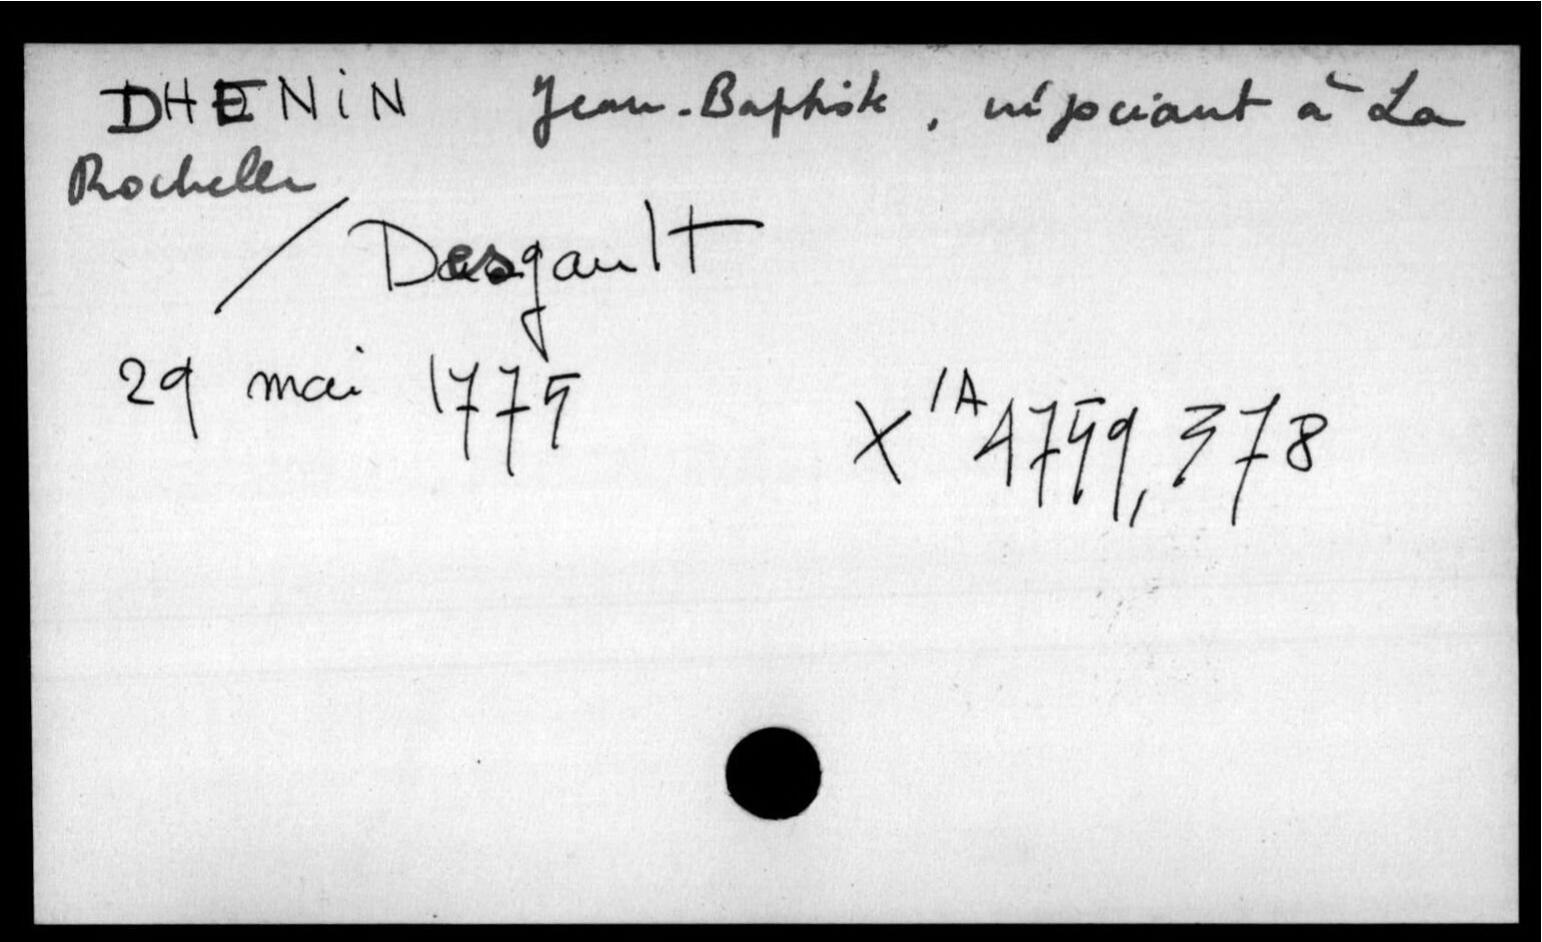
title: DHENIN Jean-Baptiste, négociant à La Rochelle
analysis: Contre Desgault
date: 29 mai 1775
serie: X1A
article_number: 4759
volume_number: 378
